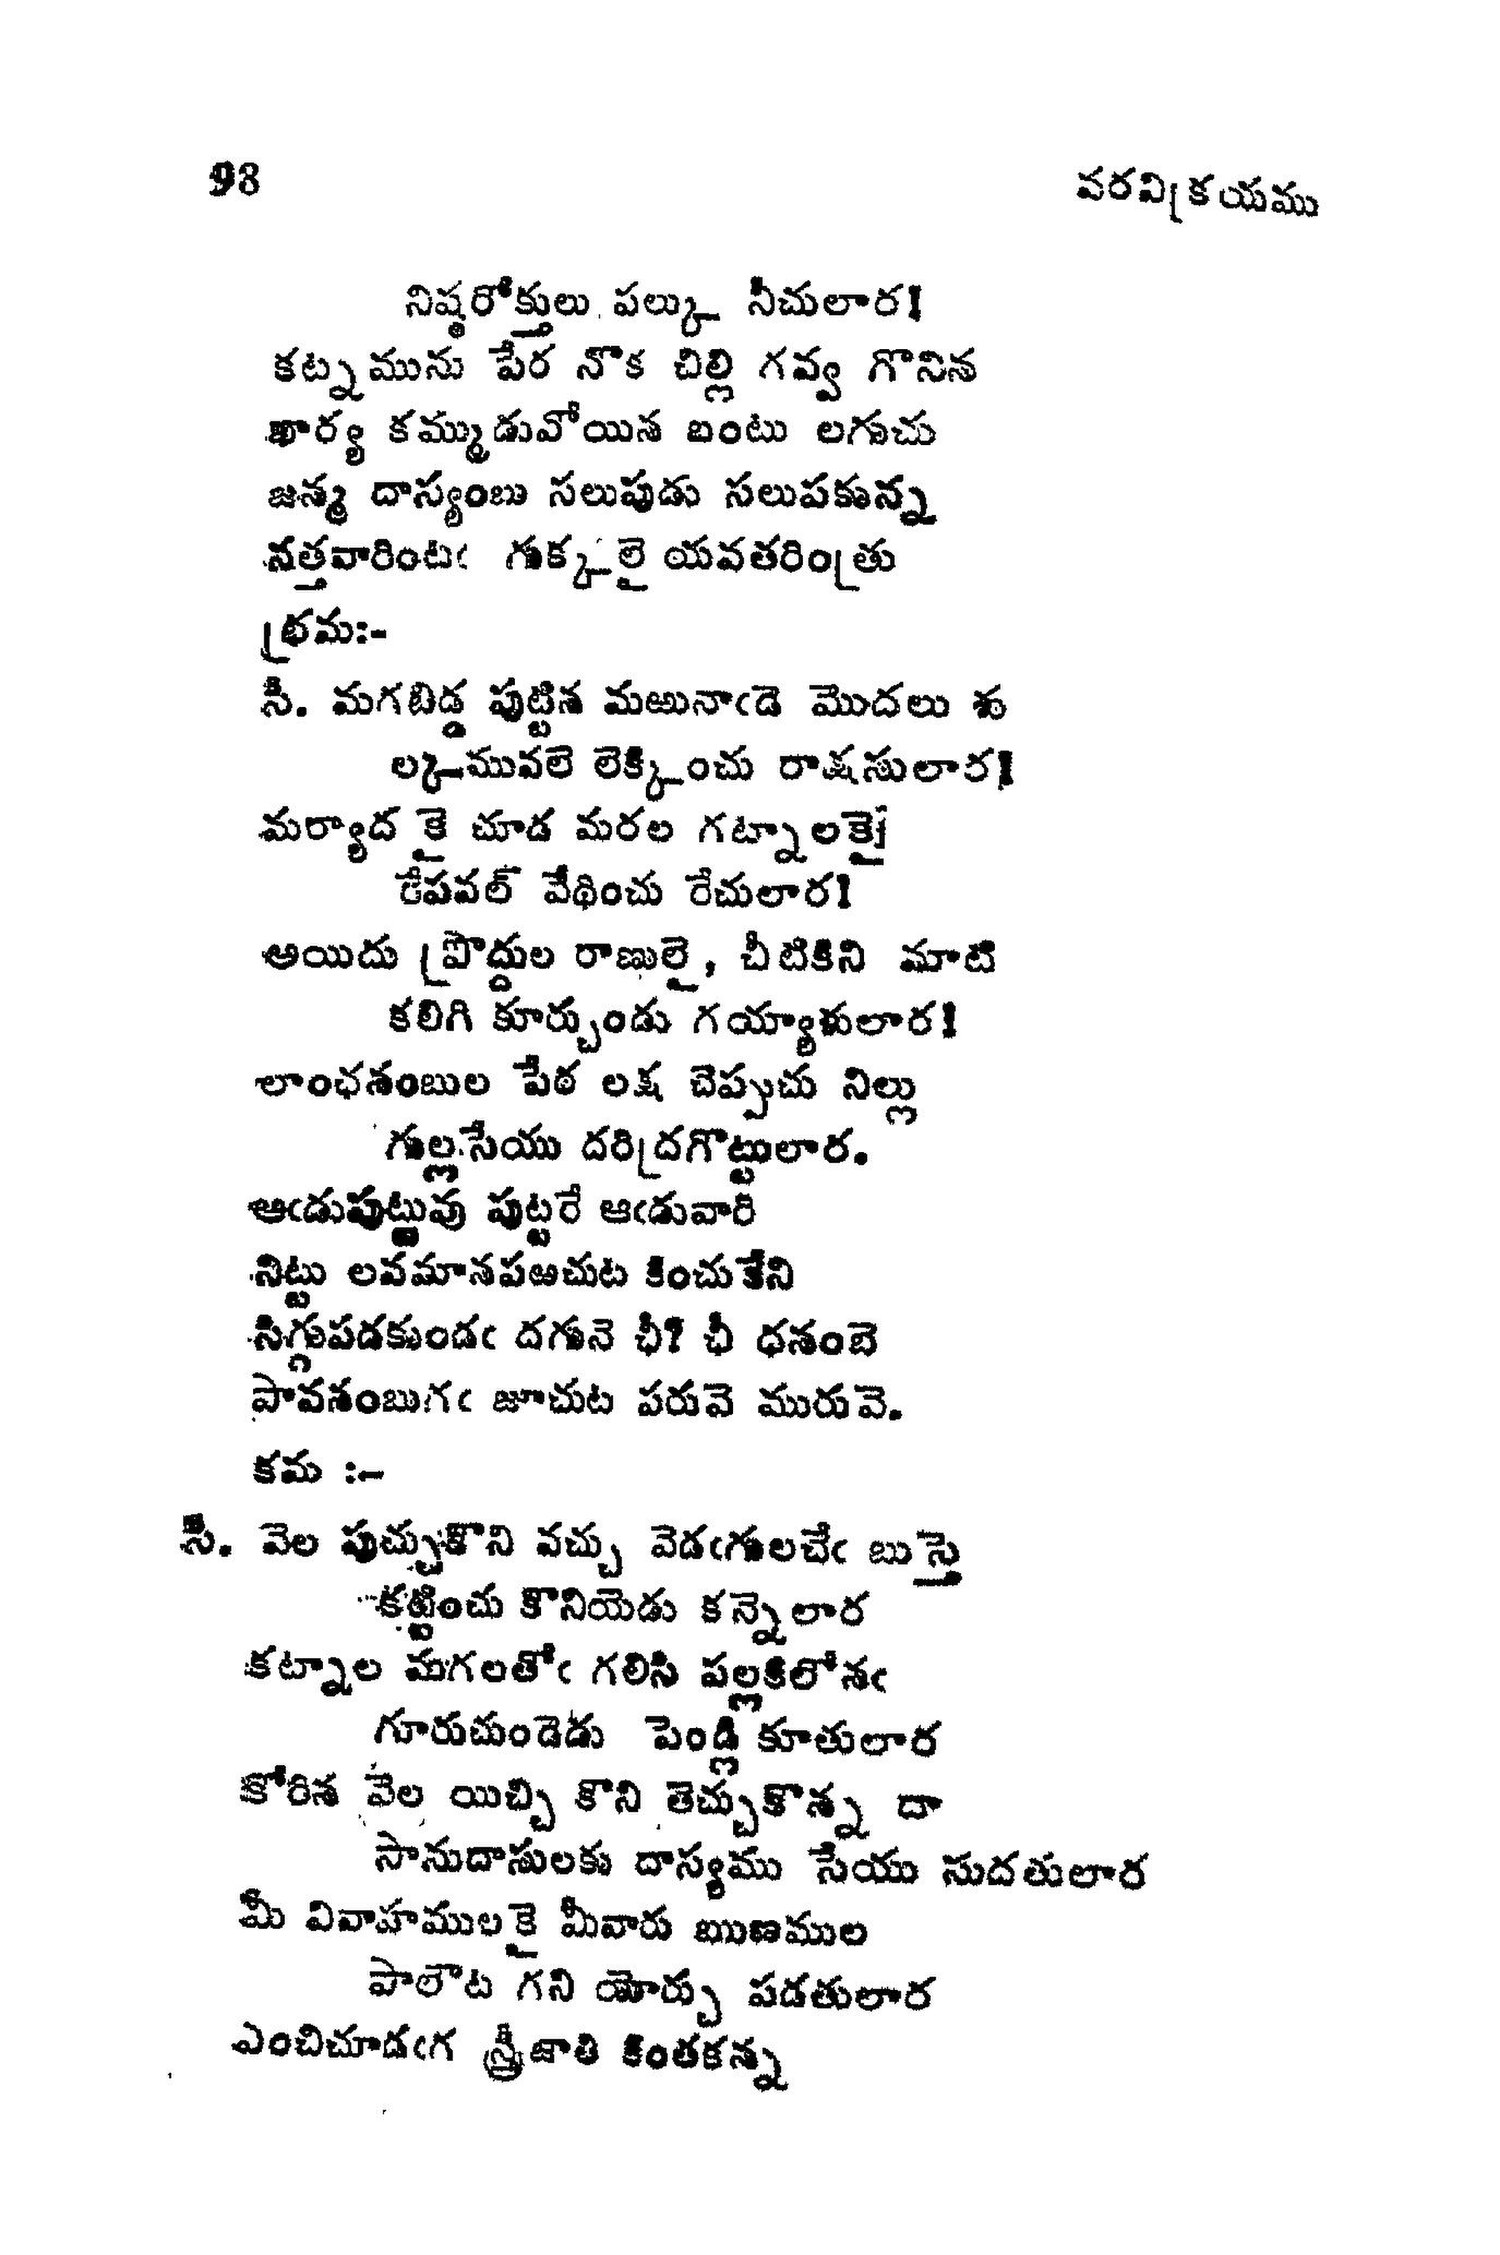నిష్ఠరోక్తులు పల్కు - నీచులార!

 కట్నమునుపేర నొక చిల్లి గవ్వ గొనిన
 భార్య కమ్ముడువోయిన బంటు లగుచు
 జన్మ దాస్యంబు సలుపుడు సలుపకున్న
 నత్తవారింటఁ గుక్కలై యవతరింత్రు.
భ్రమ :-

సీ. మగబిడ్డ పుట్టిన మఱునాఁడె మొదలు శు
 ల్కమువలె లెక్కించు రాకాసులార!
 మర్యాద కై చూడ మరల గట్నాలకై
 రేపవల్‌ వేధించు ఱేచులార!
 అయిదు ప్రొద్దుల రాణులై, చీటికిని మాటి
 కలిగి కూర్చుండు గయ్యాళులార!
 లాంఛనంబుల పేర లక్ష చెప్పుచు నిల్లు
 గుల్లసేయు దరిద్రగొట్టులార!

 ఆఁడుపుట్టువు పుట్టరే? ఆఁడువారి
 నిట్టు లవమానపఱచుట కించుకేని
 సిగ్గుపడకుండఁ దగునె ఛీ? ఛీ ధనంబె
 పావనంబుగఁ జూచుట పరువె మురువె.
కమల :-

సీ. వెల పుచ్చుకొని వచ్చు వెడఁగులచేఁ బుస్తె
 కట్టించు కొనియెడు కన్నెలార!
 కట్నాల మగలతోఁ గలసి పల్లకిలోనఁ
 గూరుచుండెడు పెండ్లి కూతులార!
 కోరిన వెల యిచ్చి కొని తెచ్చుకొన్న దా
 సానుసులకు దాస్యము సేయు సుదతులార!
 మీ వివాహములకై మీవారు ఋణముల
 పాలౌట గని యోర్చు పడఁతులార!

 ఎంచిచూడఁగ స్త్రీజాతి కింతకన్న